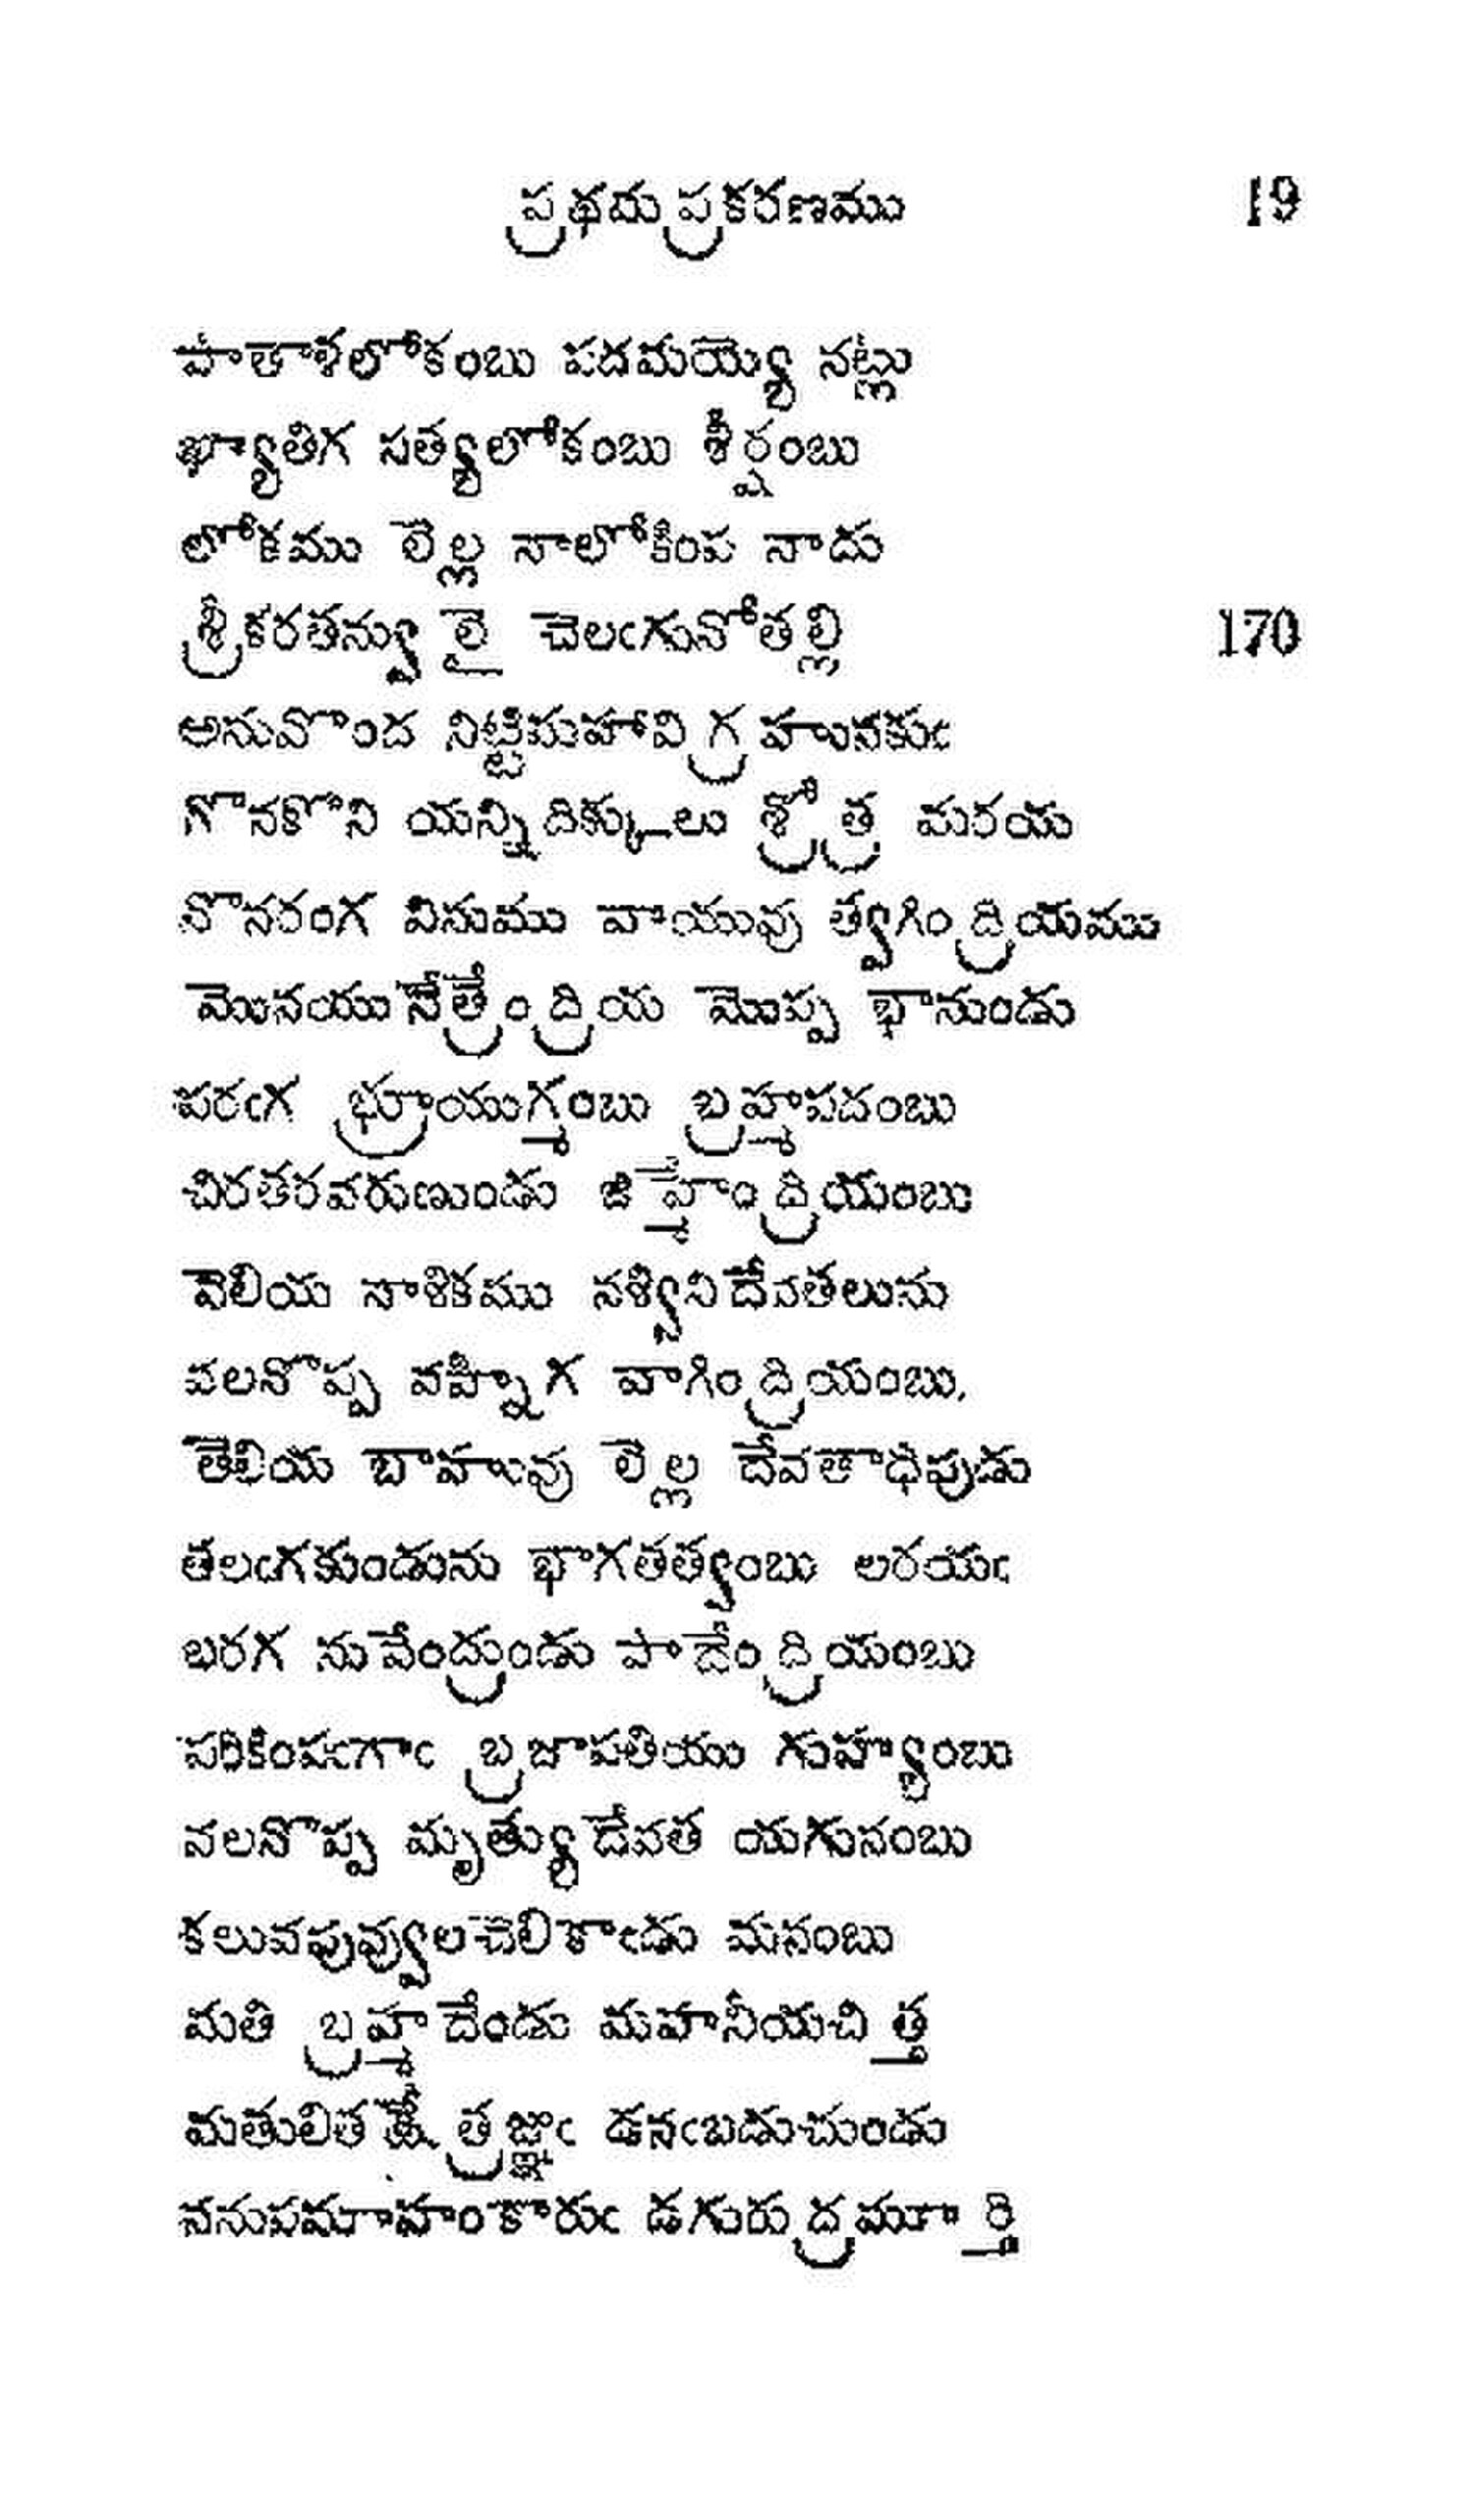పాతాళలోకంబు పదమయ్యె నట్లు
ఖ్యాతిగ సత్యలోకంబు శీర్షంబు
లోకము లెల్ల నాలోకింప నాదు
శ్రీకరతన్వు లై చెలఁగునోతల్లి 
అనువొంద నిట్టిమహావిగ్రహునకుఁ
గొనకొని యన్నిదిక్కులు శ్రోత్ర మరయ
నొనరంగ వినుము వాయువు త్వగింద్రియము
మొనయునేత్రేంద్రియ మొప్ప భానుండు
పరగ భ్రూయుగ్మంబు బ్రహ్మపదంబు
చిరతరవరుణుండు జిహ్వేంద్రియంబు
వెలియ నాశికము నశ్విని దేవతలును
వలనొప్ప వహ్నిగ వాగింద్రియంబు. 
తెలియ బాహువు లెల్ల దేవతాధిపుడు
తలఁగకుండును భాగతత్వంబు లరయఁ
బరగ నుపేంద్రుండు పాదేంద్రియంబు
పరికింపఁగాఁ బ్రజాపతియు గుహ్యంబు
వలనొప్ప మృత్యుదేవత యగునంబు
కలువపువ్వుల చెలికాఁడు మనంబు
మతి బ్రహ్మదేండు మహనీయచిత్త
మతులితక్షేత్రజ్ఞుఁ డనఁబడుచుండు
ననుపమాహంకారుఁ డగురుద్రమూర్తి